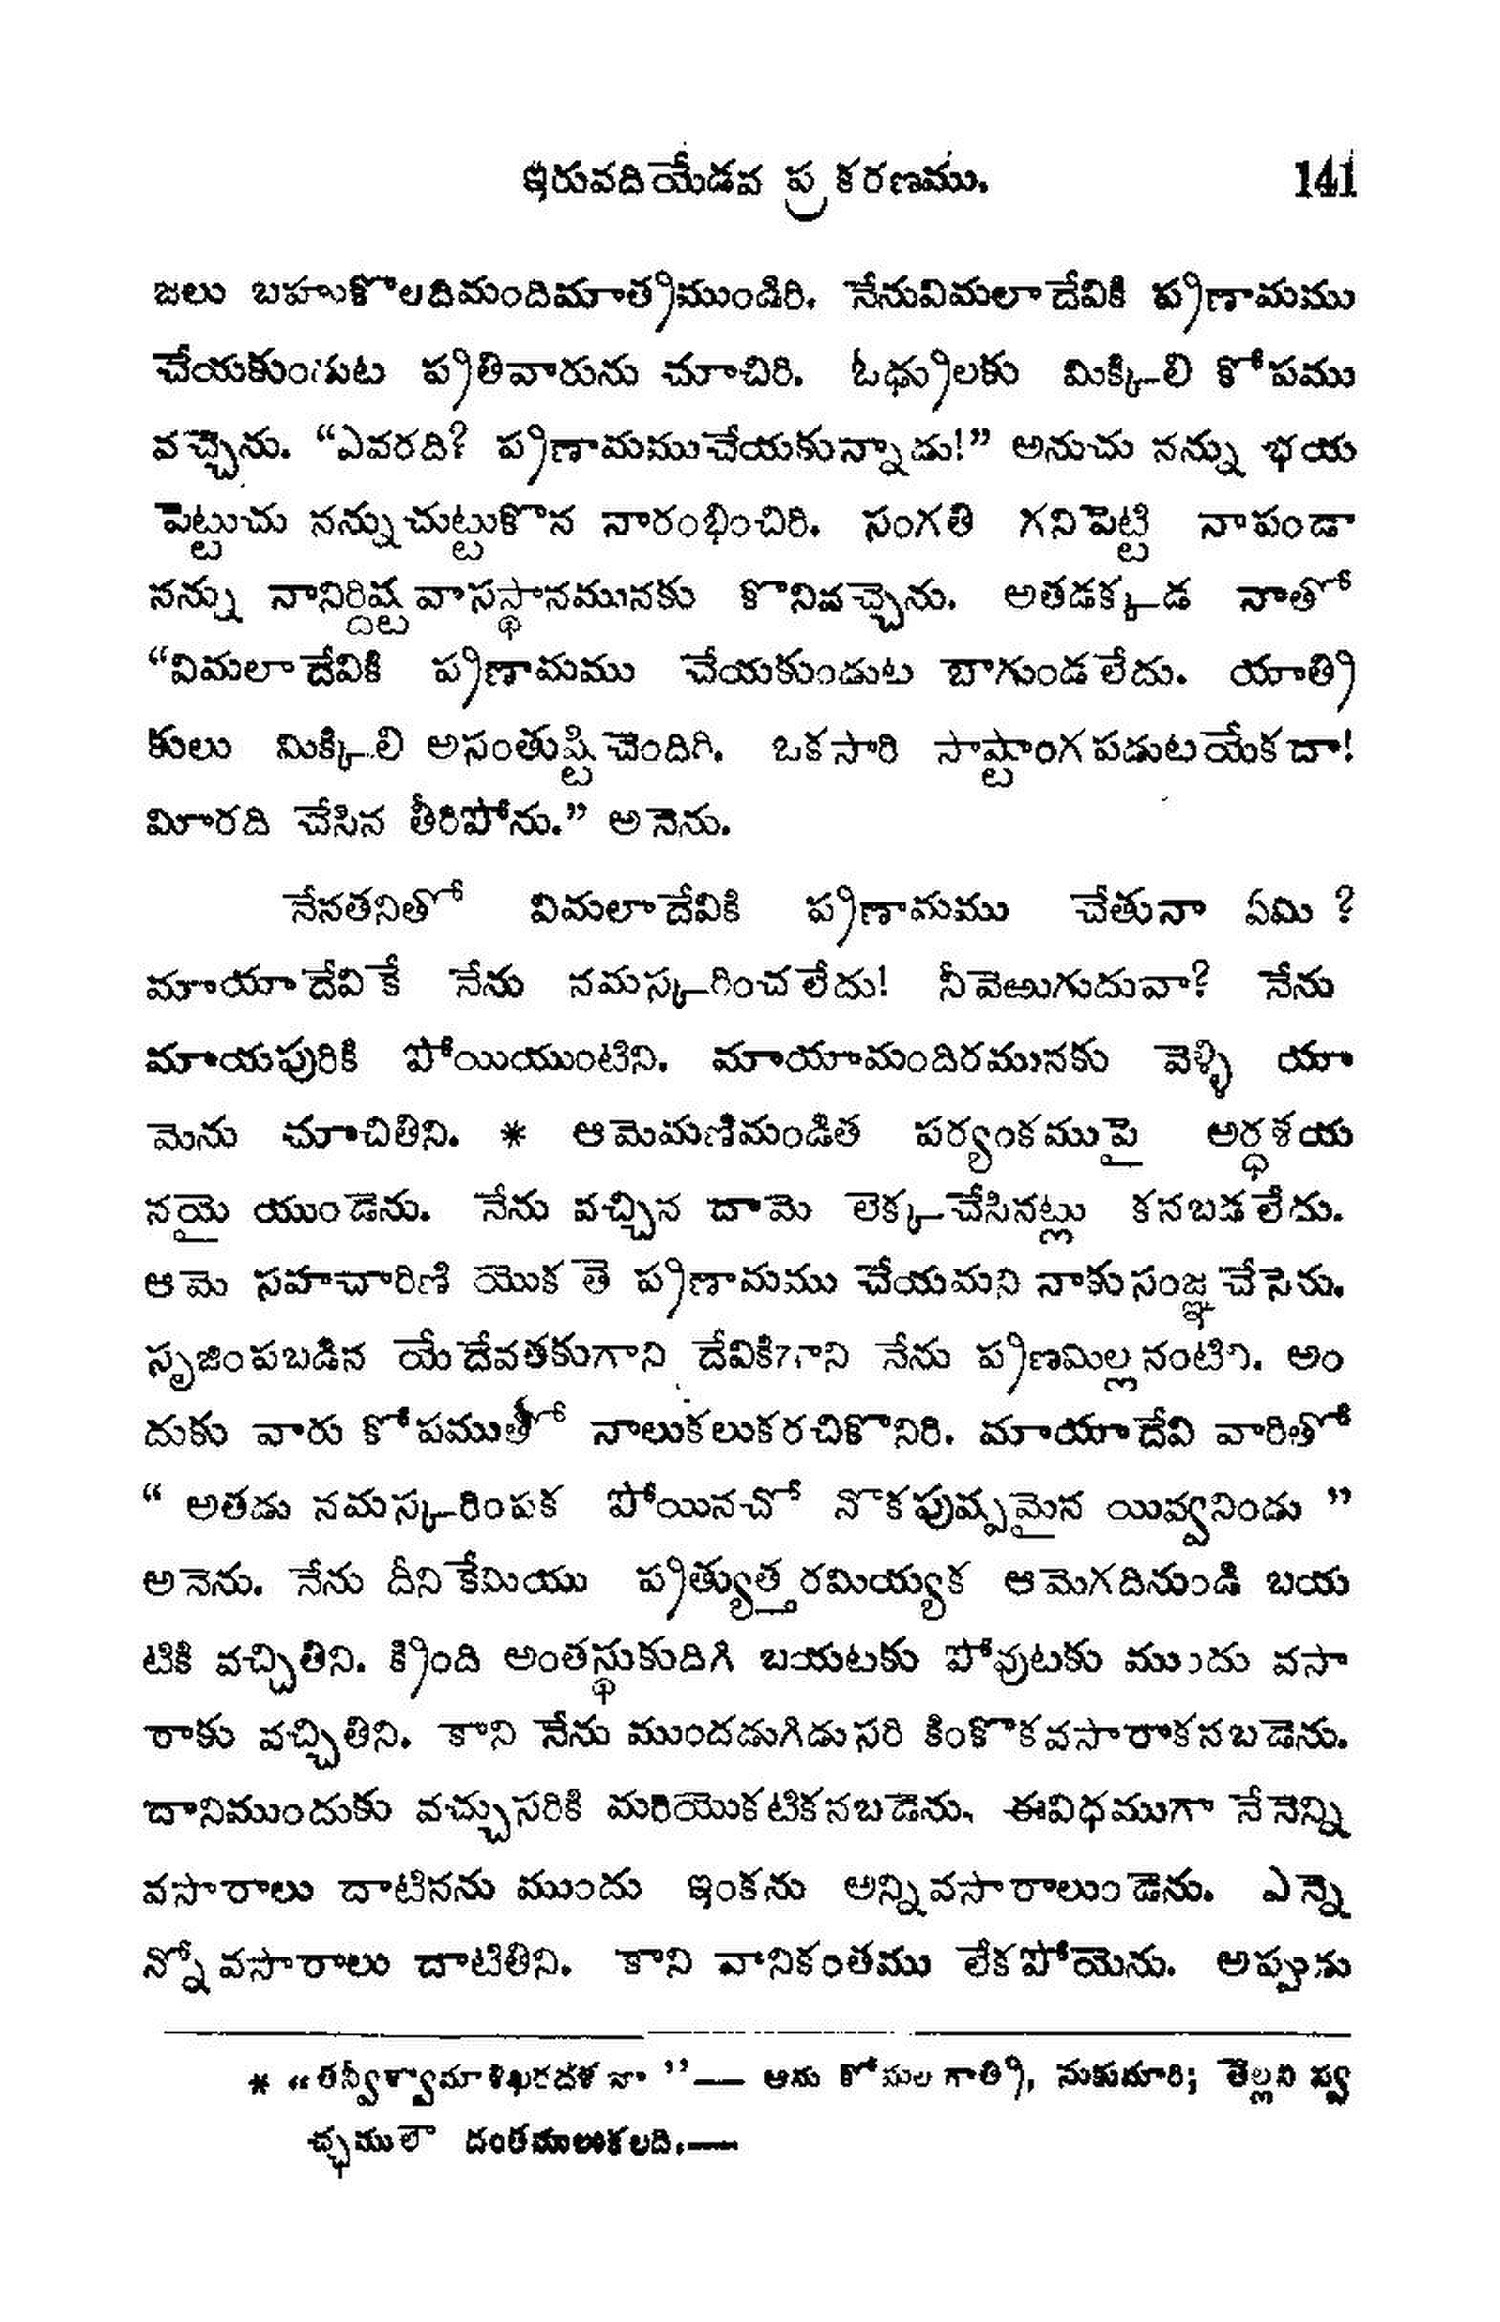జలు బహుకొలది మంది మాత్రముండిరి. "నేను విమలా దేవికి ప్రణామము
చేయకుండుట ప్రతివారును చూచిరి. ఓడ్రులకు మిక్కిలి కోపము
వచ్చెను. “ఎవరది? ప్రణామము చేయకున్నాడు! ” అనుచు నన్ను భయ
పెట్టుచు నన్ను చుట్టుకొన నారంభించిరి. సంగతి గని పెట్టి నాపండా
నన్ను నానిర్దిష్ట వాసస్థానమునకు కొనివచ్చెను. అతడక్కడ నాతో
“విమలా దేవికి ప్రణామము చేయకుండుట బాగుండ లేదు. యాత్రి
కులు మిక్కిలి అసంతుష్టి చెందిరి, ఒక సారి సాష్టాంగ పడుటయేకదా!
మీరది చేసిన తీరిపోను.” అనెను.

నేనతనితో విమలా దేవికి ప్రణామము చేతునా ఏమి ?మాయాదేవికే నేను నమస్కరించ లేదు! నీ వెఱుగుదువా? నేను మాయపురికి పోయియుంటిని. మాయామందిరమునకు వెళ్ళి యామెను చూచితిని. * ఆమె మణిమండిత పర్యంకముపై అర్ధశయసయై యుండెను. నేను వచ్చిన దామె లెక్క చేసినట్లు కనబడ లేదు. ఆమె సహచారిణి యొకతె ప్రణామము చేయమని నాకు సంజ్ఞ చేసెను,
సృజింపబడిన యే దేవతకుగాని దేవికి గాని నేను ప్రణమిల్ల నంటిని. అందుకు వారు కోపముతో నాలుకలుకరచికొనిరి. మాయాదేవి వారితో అతడు నమస్కరింపక పోయినచో నొకపుష్పమైన యివ్వనిండు అనెను. 'నేను దీని కేమియు ప్రత్యుత్త రమియ్యక ఆమెగదినుండి బయటికి వచ్చితిని. కింది అంతస్థుకుదిగి బయటకు పోవుటకు ముదు వసారాకు వచ్చితిని. కాని నేను ముందడుగిడు సరి కింకొకవసారాకనబడెను.
దానిముందుకు వచ్చుసరికి మరియొకటి కనబడెను, ఈవిధముగా నే నెన్నివసారాలు దాటినను ముందు ఇంకను అన్ని వసారాలుండెను. ఎన్నెన్నో వసారాలు దాటితీని. కాని వానికంతము లేకపోయెను. అప్పుడు